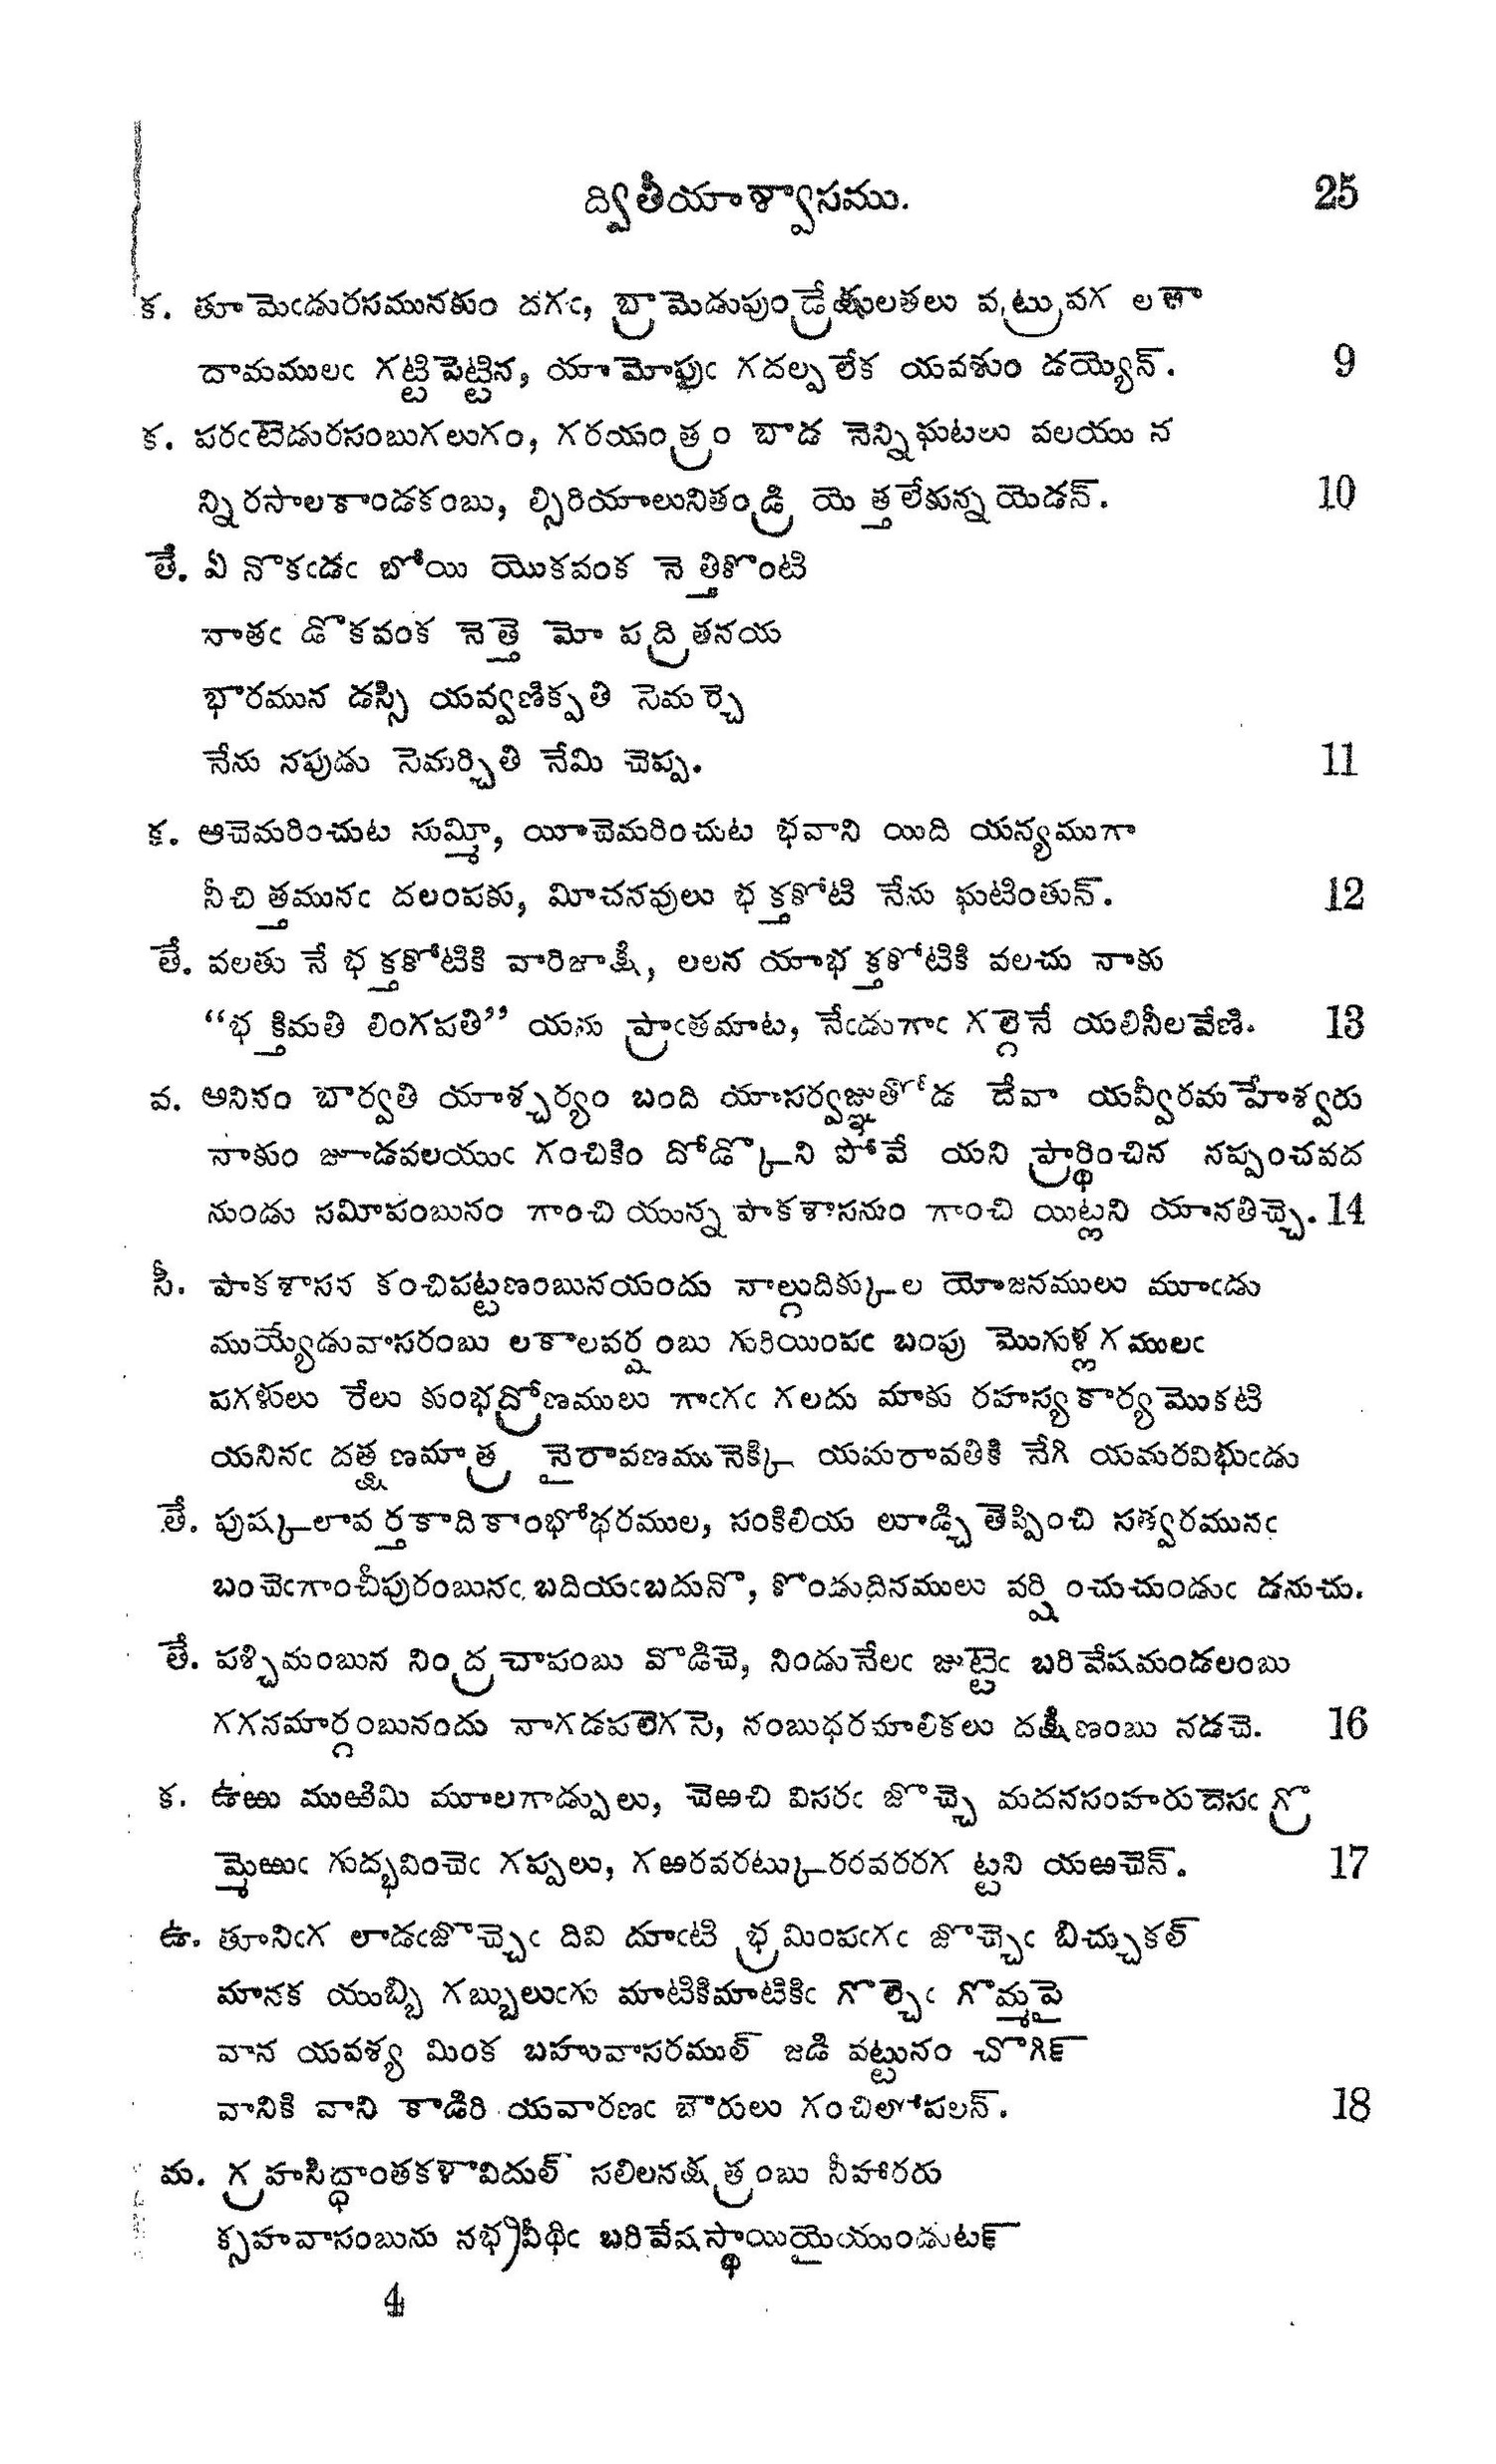క. తూమెఁడురసమునకుం దగఁ, బ్రామెడుపుండ్రేక్షులతలు వట్రువగ లతా
దామములఁ గట్టిపెట్టిన, యామోపుఁ గదల్పలేక యవశుం డయ్యెన్. 9

క. పరఁటెడురసంబు గలుగం, గరయంత్రం బాడ నెన్నిఘటలు వలయు న
న్నిరసాలకాండకంబు, ల్సిరియాలునితండ్రి యెత్తలేకున్నయెడన్. 10

తే. ఏ నొకఁడఁ బోయి యొకవంక నెత్తికొంటి
నాతఁ డొకవంక నెత్తె మో పద్రితనయ
భారమున డస్సి యవ్వణికృతి సెమర్చె
నేను నపుడు నెమర్చితి నేమి చెప్ప. 11

క. ఆచెమరించుట సుమ్మీ, యీచెమరించుట భవాని యిది యన్యముగా
నీచిత్తమునఁ దలంపకు, మీచనవులు భక్తకోటి నేను ఘటింతున్. 12

తే. వలతు నే భక్తకోటికి వారిజాక్షి, లలన యాభక్తకోటికి వలచు నాకు
“భక్తిమతి లింగపతి” యను ప్రాఁతమాట, నేఁడుగాఁ గల్గెనే యలినీలవేణి. 13

వ. అనినం బార్వతి యాశ్చర్యం బంది యాసర్వజ్ఞుతోడ దేవా యవ్వీరమహేశ్వరు నాకు జూడవలయుఁ గంచికిం దోడ్కొని పోవే యని ప్రార్థించిన నప్పంచవదనుండు సమీపంబునం గాంచియున్న పాకశాసనుం గాంచి యిట్లని యానతిచ్చె. 14

సీ. పాకశాసన కంచిపట్టణంబునయందు నాల్గుదిక్కుల యోజనములు మూఁడు
ముయ్యేడువాసరంబు లకాలవర్షంబు గురియింపఁ బంపు మొగుళ్ళగములఁ
పగళులు రేలు కుంభద్రోణములు గాఁగఁ గలదు మాకు రహస్యకార్య మొకటి
యనిన దత్క్షణమాత్ర నైరావతము నెక్కి యమరావతికి నేగి యమరవిభుఁడు
తే. పుష్కలావర్తకాదికాంభోధరముల, సంకిలియ లూడ్చి తెప్పించి సత్వరమునఁ
బంచెఁ గాంచీపురంబునఁ బదియఁ బదునొ, కొండుదినములు వర్షించుచుండుఁ డనుచు. 15

తే. పశ్చిమంబున నింద్రచాపంబు వొడిచె, నిండునేలఁ జుట్టెఁ బరివేషమండలంబు
గగనమార్గంబునందు నాగడప లెగసె, నంబుధరమాలికలు దక్షిణంబు నడచె. 16

క. ఉఱు ముఱిమి మూలగాడ్పులు, చెఱచి విసరఁజొచ్చె మదనసంహరుదెసఁ గ్రొ
మ్మెఱుఁ గుద్భవించెఁ గప్పలు, గఱరవరట్కురరవరరగ ట్టని యఱచెన్. 17

ఉ. తూనిఁగ లాడఁజొచ్చెఁ దివి దూఁటి భ్రమింపఁగఁ జొచ్చెఁ బిచ్చుకల్
మానక యుబ్బి గబ్బులుఁగు మాటికిమాటికిఁ గొల్చెఁ గొమ్మపై
వాన యవశ్య మింక బహువాసరముల్ జడి వట్టునం చొగిన్
వానికి వాని కాడిరి యవారణఁ బౌరులు గంచిలోపలన్. 18

మ. గ్రహసిద్ధాంతకళావిదుల్ సలిలనక్షత్రంబు నీహారరు
క్సహవాసంబును నభ్రవీథిఁ బరివేషస్థాయియై యుండుటన్